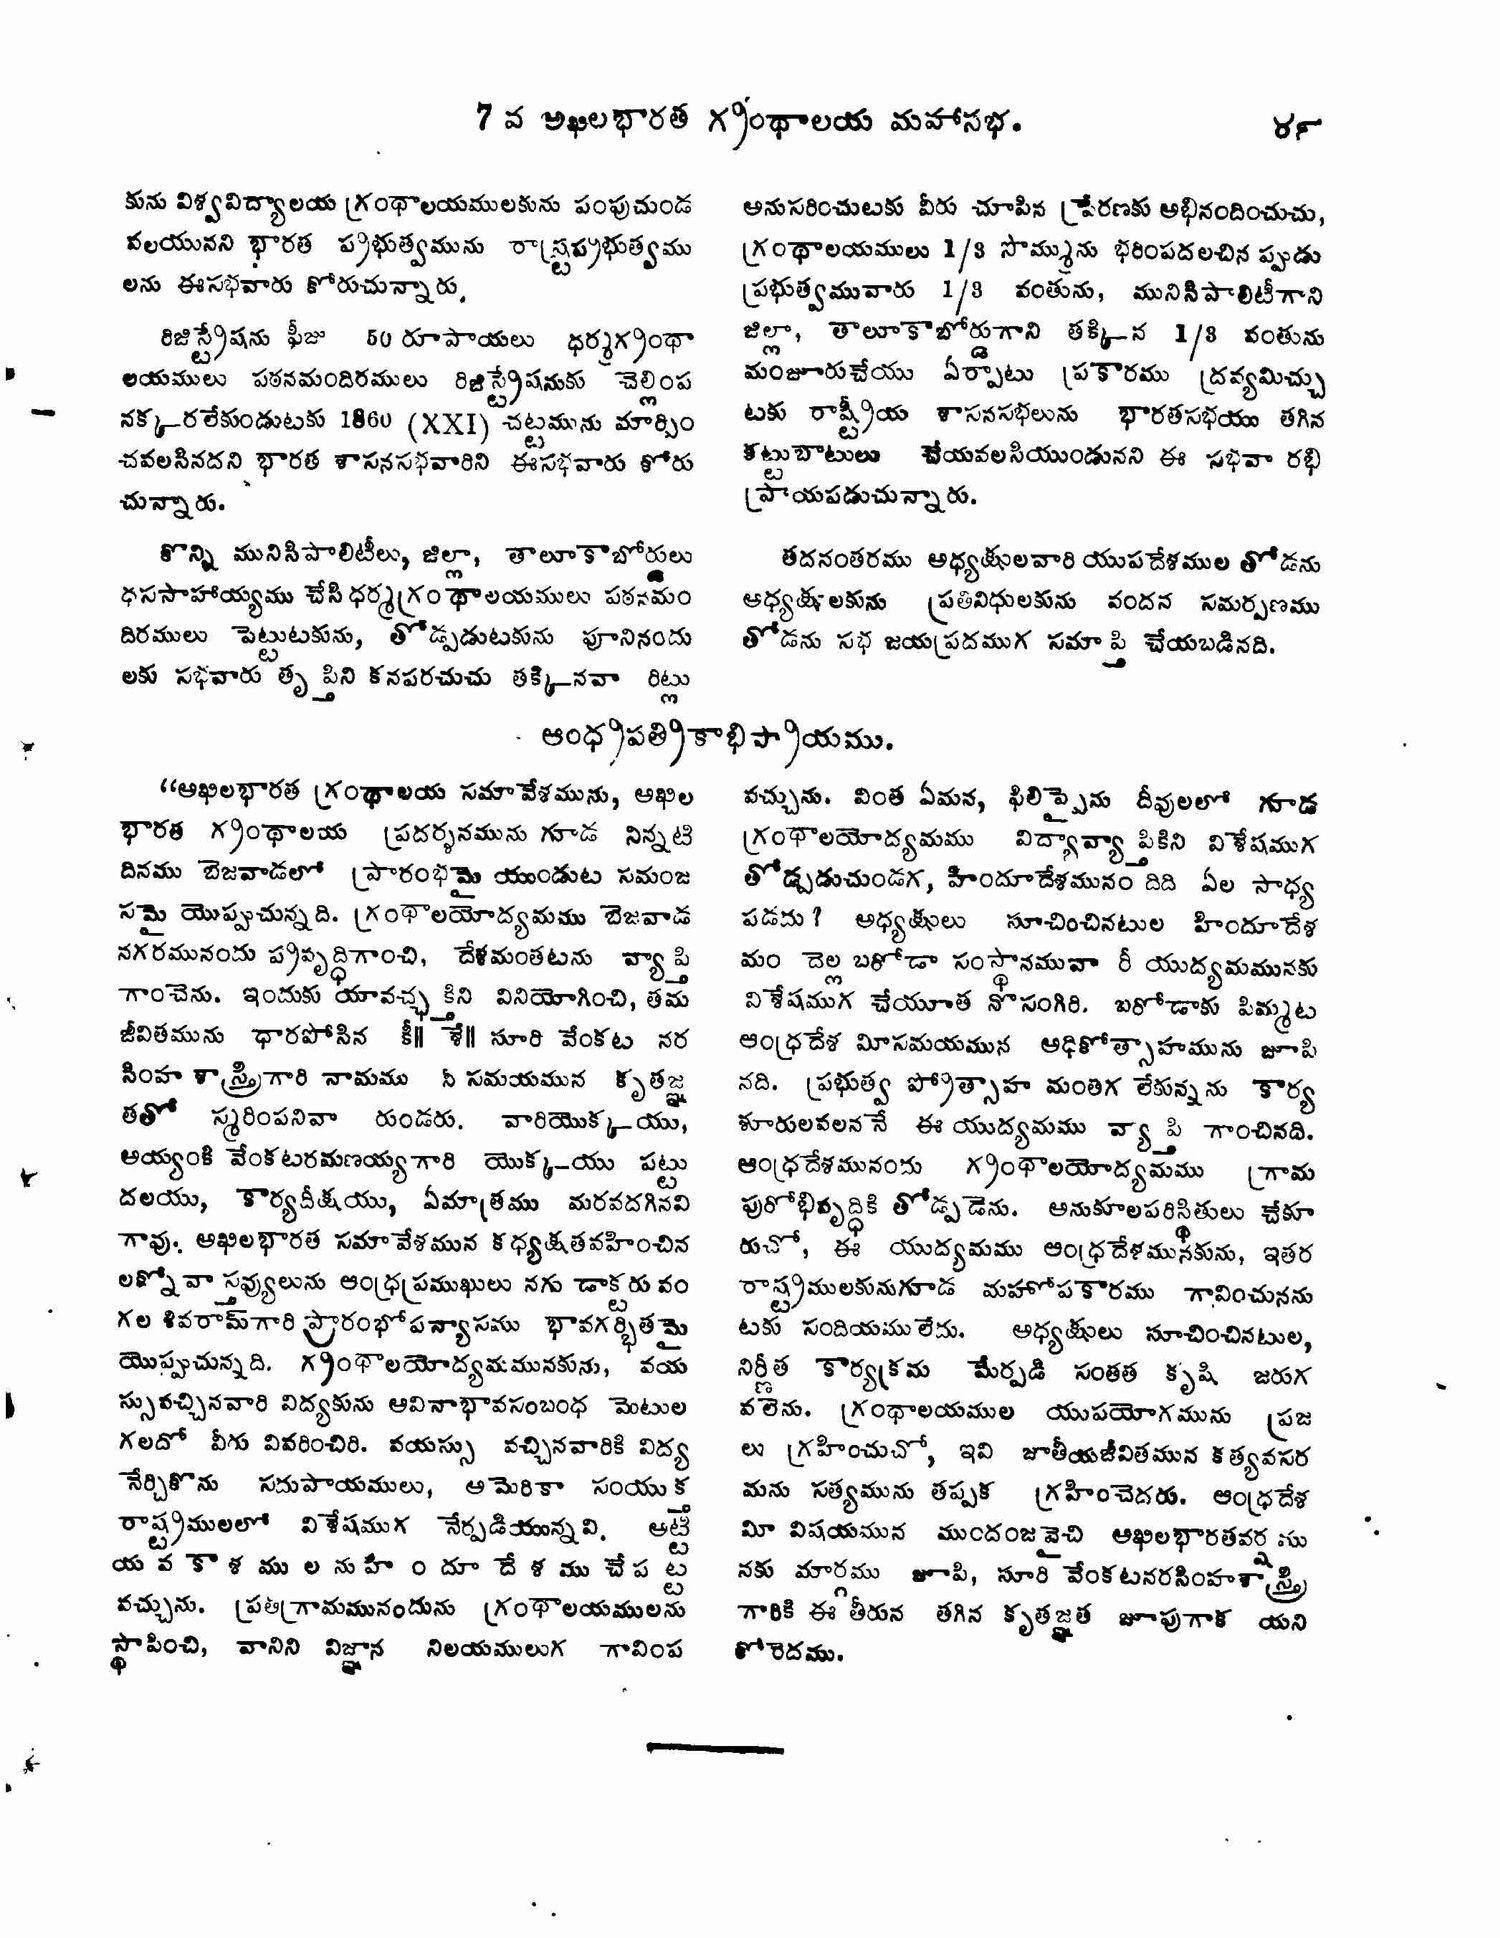కును విశ్వవిద్యాలయ గ్రంథాలయములకును పంపుచుండ వలయునని భారత ప్రభుత్వమును రాష్ట్రప్రభుత్వములను ఈసభవారు కోరుచున్నారు.

రిజిస్ట్రేషను ఫీజు 50 రూపాయలు ధర్మగ్రంథాలయములు పఠనమందిరములు రిజిస్ట్రేషనుకు చెల్లింప నక్కర లేకుండుటకు 
1860 (XXI) చట్టమును మార్చించవలసినదని భారత శాసనసభవారిని ఈసభవారు కోరు చున్నారు.

కొన్ని మునిసిపాలిటీలు, జిల్లా, తాలూకా బోర్డులు ధనసాహాయ్యము చేసి ధర్మగ్రంథాలయములు పఠనమందిరములు పెటుటకును, తోడ్పడుటకును పూనినందులకు సభవారు తృపిని కనపరచుచు తక్కినవా రిట్లు అనుసరించుటకు వీరు చూపిన ప్రేరణకు అభినందించుచు, గ్రంథాలయములు 1/3 సొమ్మును భరింపదలచినప్పుడు, ప్రభుత్వమువారు 1/3 వంతును, మునిసిపాలిటీ గాని
జిల్లా, తాలూకాబోర్డుగాని తక్కిన 1/3 వంతును మంజూరు చేయు ఏర్పాటు ప్రకారము ద్రవ్యమిచ్చుటకు రాష్ట్రీయ శాసన సభలును భారతసభయు తగిన కట్టుబాటులు చేయవలసియుండునని ఈ సభవా రభిప్రాయపడుచున్నారు.

తదనంతరము అధ్యక్షులవారి యుపదేశముల తోడను, ఆధ్యక్షులకును ప్రతినిధులకును వందన సమర్పణము తోడను సభ జయప్రదముగ సమాప్తి చేయబడినది.

“ఆఖిల భారత గ్రంథాలయ సమావేశమును, అఖిల భారత గ్రంథాలయ ప్రదర్శనమును గూడ నిన్నటిదినము బెజవాడలో ప్రారంభమై యుండుట సమంజసమై యొప్పుచున్నది. గ్రంథాలయోద్యమము బెజవాడ నగరమునందు ప్రవృద్ధిగాంచి, దేశమంతటను వ్యాప్తి
గాంచెను. ఇందుకు యావచ్ఛక్తిని వినియోగించి, తమ జీవితమును ధారపోసిన కీ॥ శే॥ సూరి వేంకట నరసింహ శాస్త్రి గారి నామము 
నీ సమయమున కృతజ్ఞతతో స్మరింపనివారుండరు. వారియొక్కయు, అయ్యంకి వేంకటరమణయ్య గారి యొక్కయు పట్టుదలయు, కార్యదీక్షయు, ఏమాత్రము మరవదగినవి గావు. అఖిల భారత సమావేశమున కధ్యక్షతవహించిన లక్నో వాస్తవ్యులును ఆంధ్ర
ప్రముఖులు నగు డాక్టరు వంగల శివరామ్ గారి ప్రారంభోపన్యాసము భావగర్భితమై యొప్పుచున్నది. గ్రంథాలయోద్యమమునకును, 
వయస్సువచ్చినవారి విద్యకును అవినాభావసంబంధ మెటులగలదో వీరు వివరించిరి. వయస్సు వచ్చినవారికి విద్య నేర్చికొను సదుపాయములు, అమెరికా సంయుక్త రాష్ట్రములలో విశేషముగ నేర్పడియున్నవి. ఆట్టి యవకాశములను హిందూదేశము చేపట్ట 
వచ్చును. ప్రతి గ్రామమునందును గ్రంథాలయములను స్థాపించి, వానిని విజ్ఞాన నిలయములుగ గావింపవచ్చును. వింత ఏమన, ఫిలిప్పైను దీవులలో గూడ గ్రంథాలయోద్యమము విద్యావ్యాప్తికిని విశేషముగ తోడ్పడుచుండగ, హిందూ దేశమునందిది ఏల 
సాధ్యపడదు? అధ్యక్షులు సూచించినటుల హిందూదేశమునందెల్ల బరోడా సంస్థానము వారీ యుద్యమమునకు విశేషముగ చేయూత నొసంగిరి. బరోడాకు పిమ్మట ఆంధ్ర దేశ మిసమయమున అధికోత్సాహమును జూపినది. ప్రభుత్వ ప్రోత్సాహమంతిగ లేకున్నను 
కార్యశూరులవలననే ఈ యుద్యమము వ్యాప్తి గాంచినది. ఆంధ్రదేశమునందు గ్రంథాలయోద్యమము గ్రామపురోభివృద్ధికి తోడ్పడెను. అనుకూల పరిస్థితులు చేకూరుచో, ఈ యుద్యమము ఆంధ్రదేశమునకును, ఇతర రాష్ట్రములకును గూడ మహోపకారము గావించు
ననుటకు సందియము లేదు. అధ్యక్షులు సూచించినటుల, నిర్ణీత కార్యక్రమ మేర్పడి సంతత కృషి జరుగవలెను. గ్రంథాలయముల యుపయోగమును ప్రజలు గ్రహించుచో, ఇవి జాతీయజీవితమున కత్యవసరమను సత్యమును తప్పక గ్రహించెదరు. ఆంధ్రదేశ
మీ విషయమున ముందంజ వైచి అఖిలభారతవర్షమునకు మార్గము జూపి, సూరి వేంకట నరసింహశాస్త్రి గారికి ఈ తీరున తగిన
కృతజ్ఞత జూపుగాక యని కోరెదము.